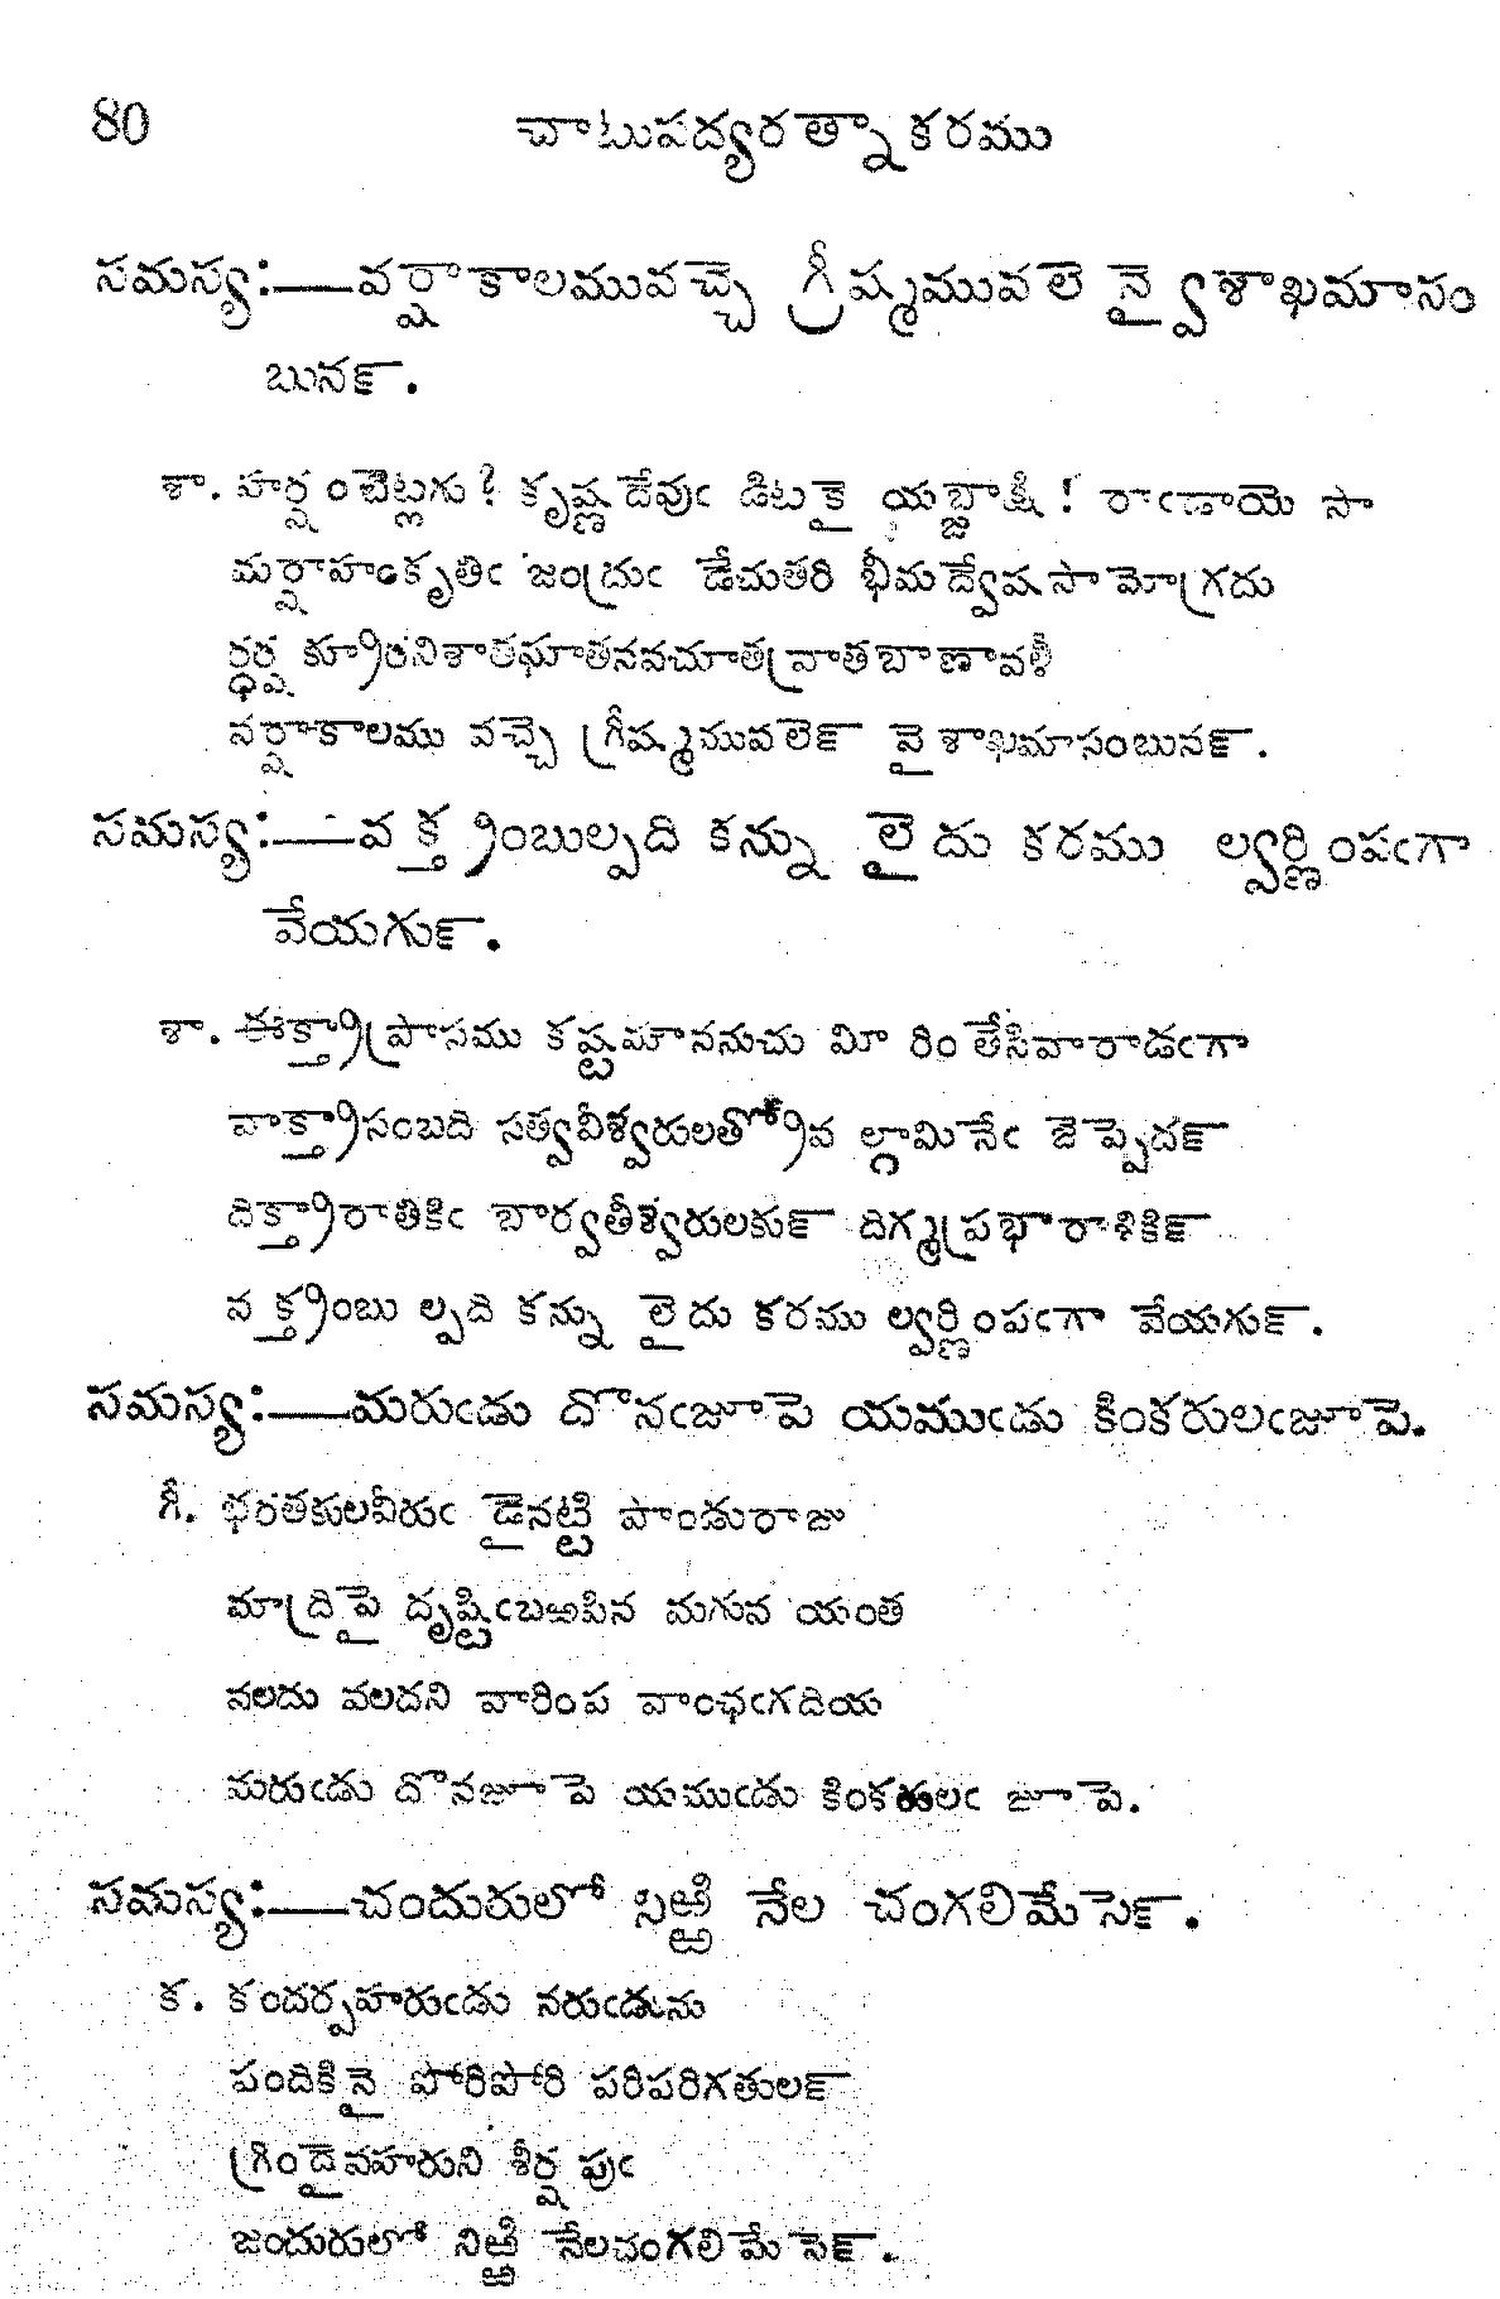సమస్య:—వర్షాకాలము వచ్చె గ్రీష్మమువలె న్వైశాఖమాసంబునన్

శా. హర్షం బెట్లగు? కృష్ణదేవుఁ డిటకై యబ్జాక్షి! రాఁడాయె సా
 మర్షాహంకృతిఁ జంద్రుఁ డేచుతరి భీమద్వేషసామోగ్రదు
 ర్ధర్షక్రూరనిశాతఘాతనవచూతవ్రాతబాణావళీ
 వర్షాకాలము వచ్చె గ్రీష్మమువలెన్ వైశాఖమాసంబునన్.

సమస్య:—వక్త్రంబుల్పది కన్ను లైదు కరము ల్వర్ణింపఁగా వేయగున్

శా. ఈక్త్రాప్రాసము కష్టమౌననుచు మీ రింతేసివారాడఁగా
 వాక్త్రాసంబది సత్వవీశ్వరులత్రోవ ల్గామినేఁ జెప్పెదన్
 దిక్త్రారాతికిఁ బార్వతీశ్వరులకున్ దిగ్మప్రభారాశికిన్
 వక్త్రంబు ల్పది కన్ను లైదు కరము ల్వర్ణింపఁగా వేయగున్.

సమస్య:—మరుఁడు దొనఁజూపె యముఁడు కింకరులఁజూపె

గీ. భరతకులవీరుఁ డైనట్టి పాండురాజు
 మాద్రిపై దృష్టిఁబఱపిన మగువ యంత
 వలదు వలదని వారింప వాంఛఁగదియ
 మరుఁడు దొనఁజూపె యముఁడు కింకరులఁ జూపె.

సమస్య:—చందురులో నిఱ్ఱి నేల చంగలిమేసెన్

క. కందర్పహరుఁడు నరుఁడును
 పందికినై పోరిపోరి పరిపరిగతులన్
 గ్రిందైవహరుని శీర్షపుఁ
 జందురులో నిఱ్ఱి నేలచంగలిమేసెన్.